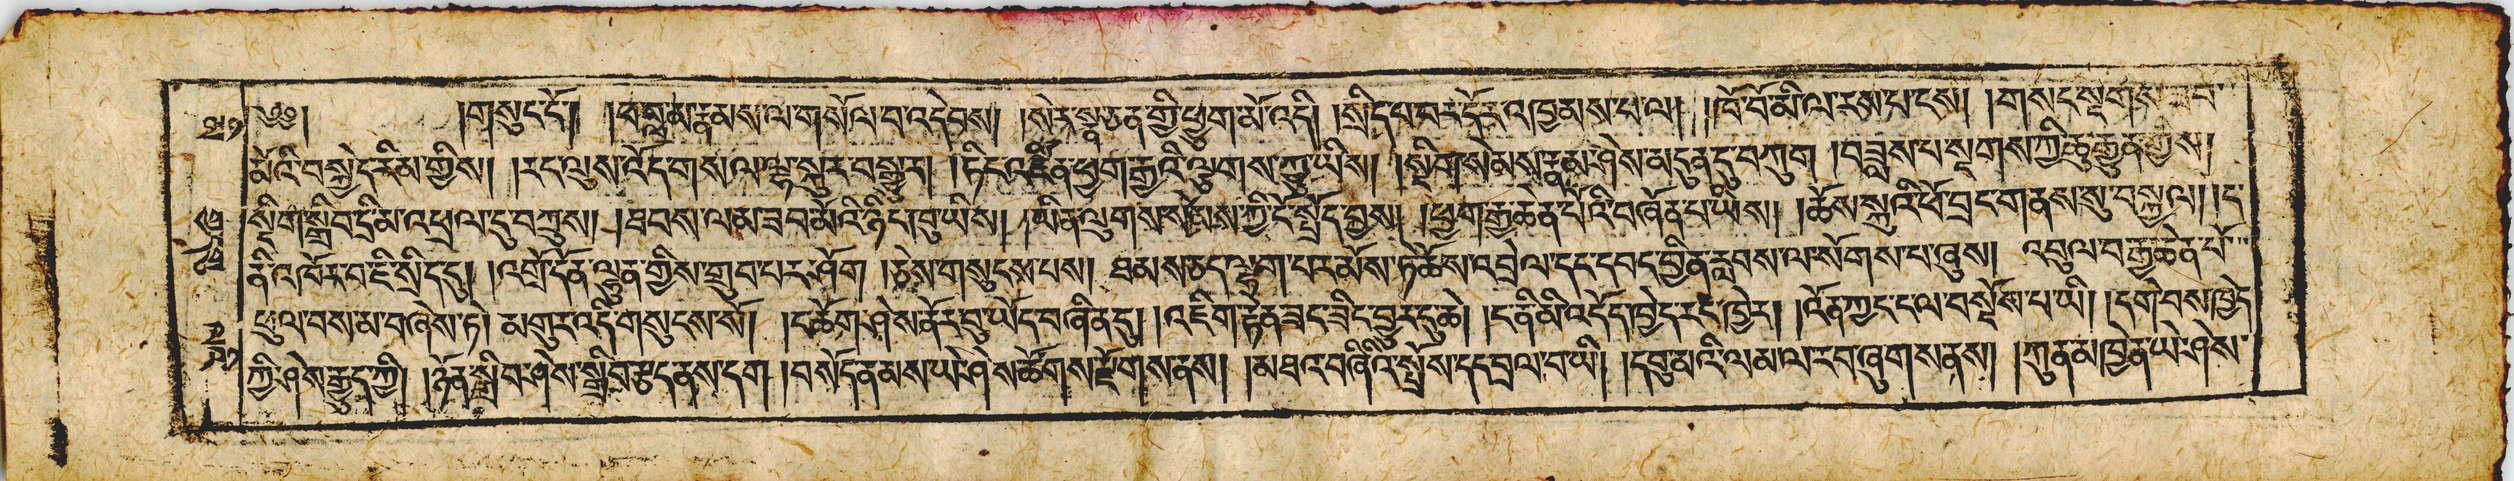གསུང་ངོ་། །ཕ་བླ་མ་རྣམས་ལ་གསོལ་བ་འདེབས། །སེར་སྣ་ཅན་གྱི་ཕྱུག་མོ་འདི། །སྲིད་པ་བར་དོར་འཁྱམས་པ་ལ། །ཁོ་བོ་མི་ལ་རས་པ་ངས། །གསང་སྔགས་ཟབ་
མོའི་བསྐྱེད་རིམ་གྱིས། །རང་ལུས་འོད་གསལ་ལྷ་སྐུར་བསྒྱུར། །ཏིང་འཛིན་ཕྱག་རྒྱའི་ལྕགས་ཀྱུ་ཡིས། །སྡིག་སེམས་རྣམ་ཤེས་མདུན་དུ་བཀུག །བཟླས་པ་སྔགས་ཀྱི་ཆུ་རྒྱུན་གྱིས། །
སྡིག་སྒྲིབ་དྲི་མ་འཕྲལ་དུ་བཀྲུས། །ཐབས་ལམ་ཟབ་མོའི་ཉིང་ཁུ་་ཡིས། །ཡིན་ལུགས་སེམས་ཀྱི་ངོ་སྤྲོད་བྱས། །ཕྱག་རྒྱ་ཆེན་པོའི་བཞོན་པ་ཡིས། །ཆོས་སྐུའི་ཕོ་བྲང་གནས་སུ་བསྐྱལ། །ད་
ནི་འཁོར་བ་ཇི་སྲིད་དུ། །འགྲོ་དོན་ལྷུན་གྱིས་གྲུབ་པར་ཤོག །ཅེས་གསུངས་པས། ཐམས་ཅད་ལྷག་པར་མོས་ཏེ་ཆོས་འབྲེལ་དང་དབང་བྱིན་རླབས་ལ་སོགས་པ་ཞུས། འབུལ་བ་རྒྱ་ཆེན་པོ་
ཕུལ་བས་མ་བཞེས་ཏེ། མགུར་འདི་གསུངས་སོ། །ང་ཆོག་ཤེས་ནོར་བུ་ཡོད་བཞིན་དུ། །འཇིག་རྟེན་ཟང་ཟིང་བྱུར་དུ་ཆེ། །ང་ནི་མི་འདོད་ཁྱེད་རང་ཁྱེར། །འོན་ཀྱང་ང་ལ་བསྔོས་པ་ཡི། །དགེ་བས་ཁྱེད་
ཀྱི་ཤེས་རྒྱུད་ཀྱི། །ཉོན་སྒྲིབ་ཤེས་སྒྲིབ་རྩད་ནས་དག །བསོད་ནམས་ཡེ་ཤེས་ཚོགས་རྫོགས་ནས། །མཐའ་བཞིའི་སྤྲོས་དང་བྲལ་བ་ཡི། །དབུ་མའི་ལམ་ལ་རབ་ཞུགས་ནས། །ཀུན་མཁྱེན་ཡེ་ཤེས་